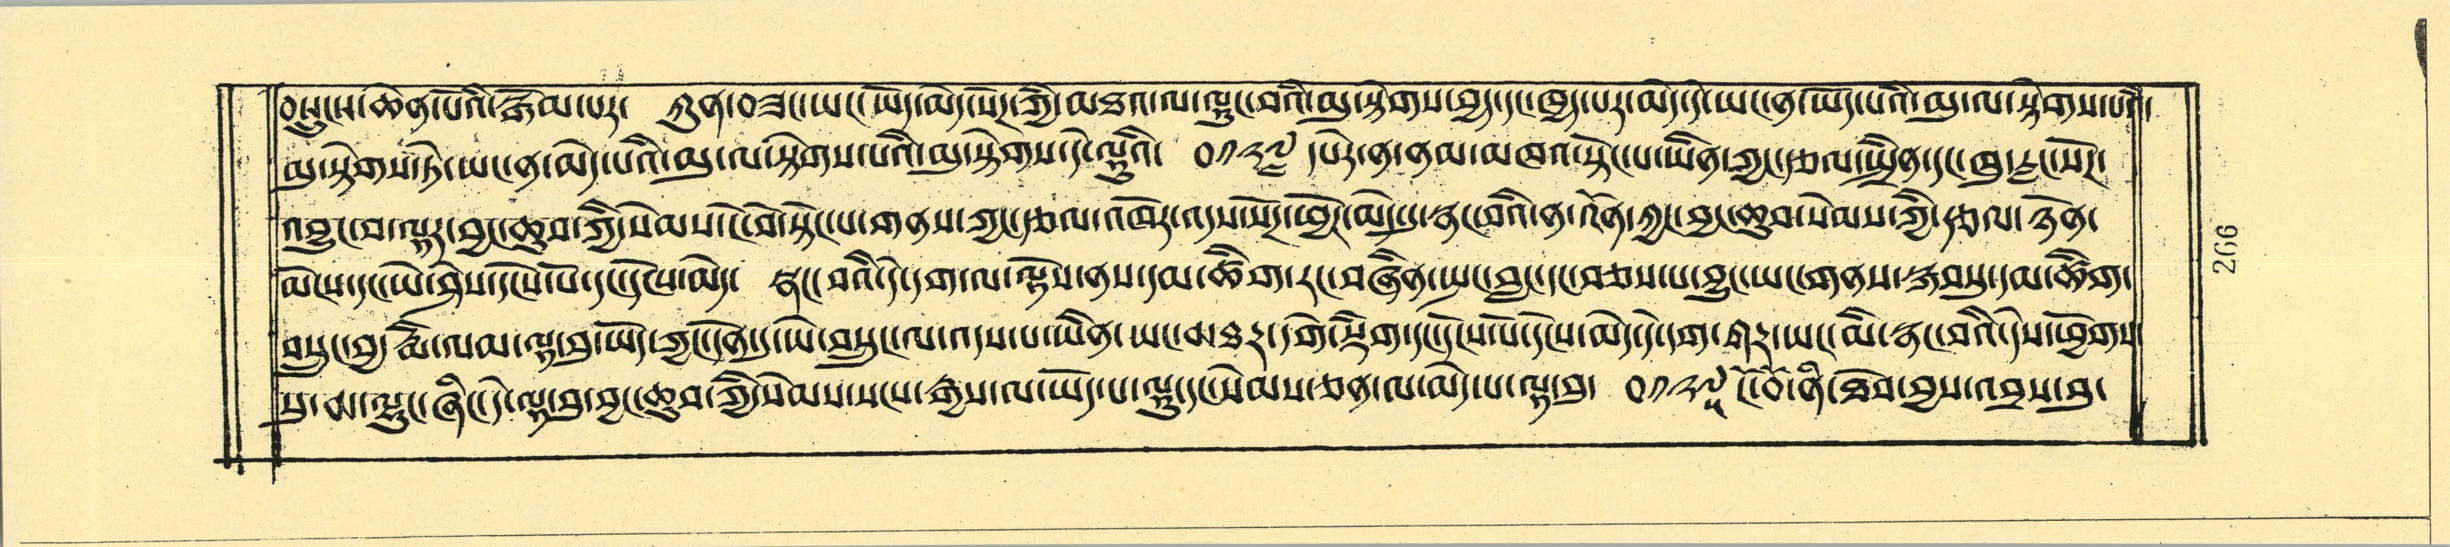༼བསྲུངས་༽ཆེན་པོའི་སྒོམ་པར། ༼ཀུན་བཟང་ཡང་༽ཡོད་མེད་སོགས་ཀྱི་མཐའ་ལ་ལྟུང་བའི་མུ་སྟེགས་བྱད་དང་ཁྱད་པར་མེད་དེ་ཡང་ན་ཡོད་པའི་མུ་ལ་སྟེགས་པའི་
མུ་སྟེགས་ཏེ་ཡང་ན་མེད་པའི་མུ་ལ་སྟེགས་པའི་མུ་སྟེགས་དེ་ལྟ་བུའི། བ༡༢༧།༤ དཔེར་ན་ནམ་མཁའ་སྟོང་པ་ཡིན་ཀྱང་རྩལ་སྤྲིན་དང་ཁུ་རླང་སོགས་
འབྱུང་བ་ལྟར་བྱང་ཆུབ་ཀྱི་སེམས་ངོ་བོ་སྟོང་པ་གནས་ཀྱང་རྩལ་འཁོར་འདས་སོགས་ཕྱོགས་མེད་དུ་སྣང་བའི་ན་ འོན་ཀྱང་བྱང་ཆུབ་སེམས་ཀྱི་རྩལ་ཉོན་
མོངས་དང་ཡེ་ཤེས་དངོས་པོ་དང་དངོས་མེད། ༼སྣང་༽བའི་དེ་དག་ལ་ལྟོས་ནས་དམ་ཚིག་རང་བཞིན་སྤང་བླང་དང་བཅས་པ་བྱུང་ཡང་གནས་སྐབས་སུ་དམ་ཚིག་
བསྲུང་བྱ་རྨི་ལམ་ལྟ་བུ་ཡོད་ཀྱང་དོན་དུ་ཡེ་བསྲུང་ལ་འདས་པ་ཡིན་ཡང་མཐར་དགེ་སྡིག་དང་དངོས་པོ་དངོས་མེད་དེ་དག་གར་ཡང་མིས་སྣང་བའི་དེས་ཕྱོགས་
སུ་མ་ལྟུང་ཞིང་དེ་ལྟ་བུ་བྱང་ཆུབ་ཀྱི་སེམས་སངས་རྒྱས་ལ་ཡོད་པ་ལྟ་བུ་དང་སེམས་ཅན་ལ་མེད་པ་ལྟ་བུ། བ༡༢༦།༥ ༼ངོ་བོ་༽ནི་ཐོབ་བྱས་འབྲས་བུ་